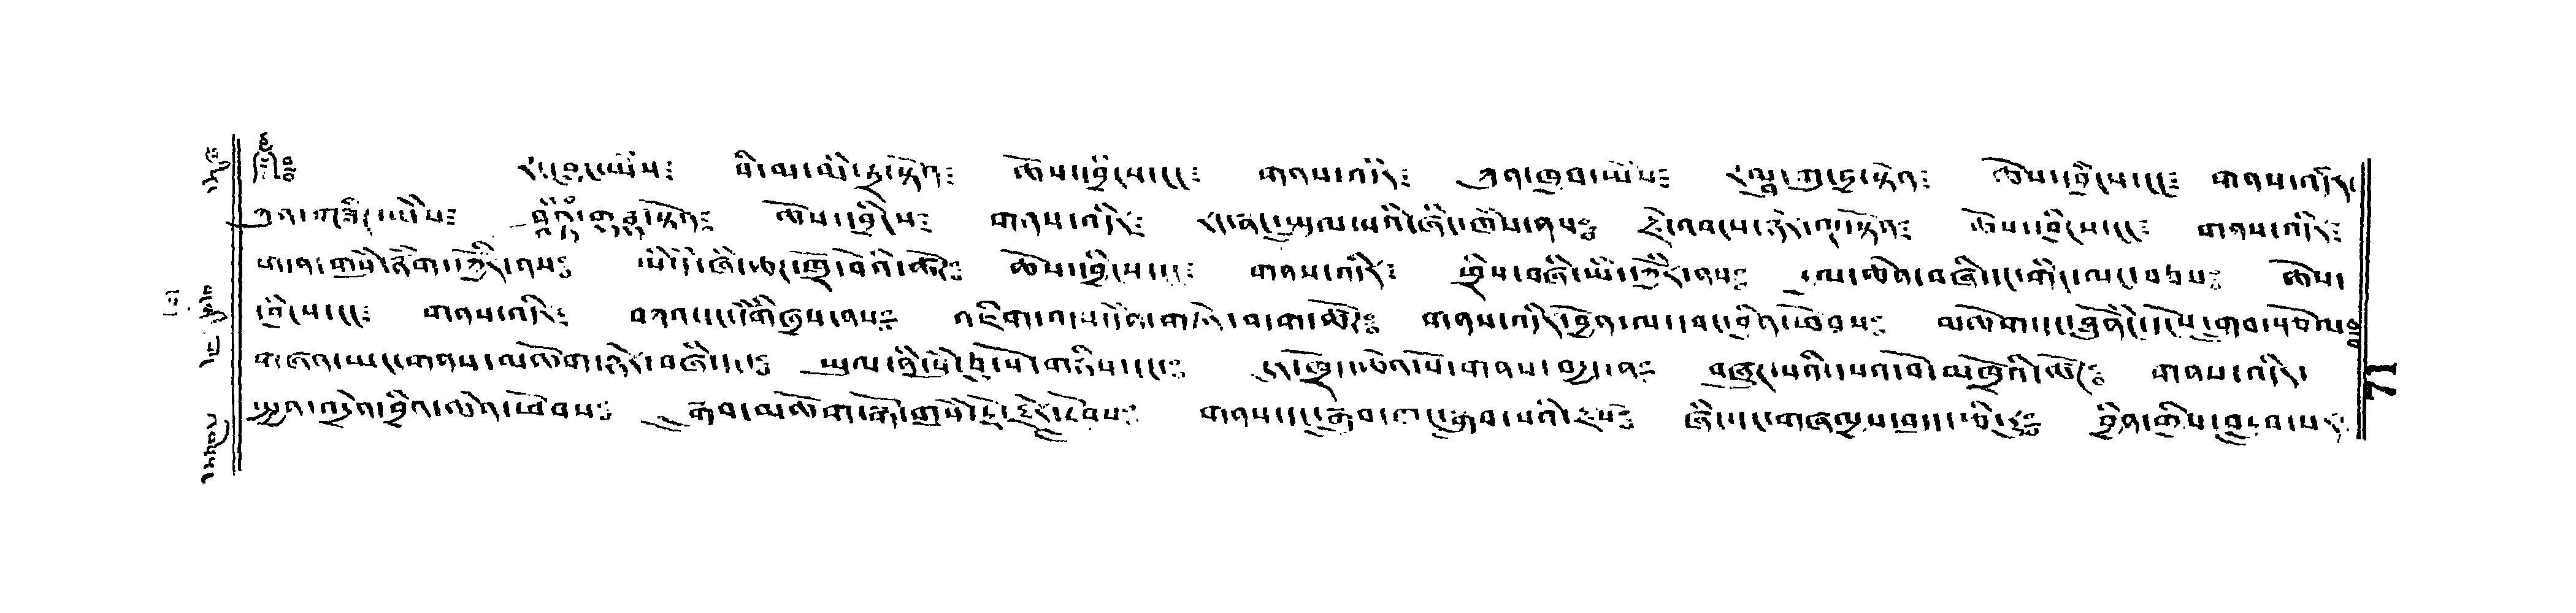རང་བྱུང་ཡེ་ཤེས༴ བི་མ་མི་ཏྲ་སྟོན༴ ཆོས་དབྱིངས་ངང༴ གནས་འདིར༴ ཀུན་ཁྱབ་ཡེ་ཤེས༴ རམྦུ་གུ་ཧྱ་སྟོན༴ ཆོས་དབྱིངས་ངང༴ གནས་འདིར་
ཀུན་གཟིགས་ཡེ་ཤེས༴ ཤཱིནྟཾ་གྷརྦྷ་སྟོན༴ ཆོས་དབྱིངས༴ གནས་འདིར༴ རང་སྣང་སྤྲུལ་པའི་ཞིང་ཁམས་ནས༔ རྗེ་འབངས་ཉེར་ལྔ་སྟོན༴ ཆོས་དབྱིངས་ངང༴ གནས་འདིར༴ 
གདན་གསུམ་རྣམ་དག་དཀྱིལ་འཁོར་ནས༔ ཡི་དམ་ཞི་ཆགས་ཁྲོ་བོའི་ཚོར༔ ཆོས་དབྱིངས་ངང༴ གནས་འདིར༴ ཕྲིན་ལས་བཞི་ཡི་དཀྱིལ་འཁོར་ནས༔ རྒྱལ་ཆེན་བཞི་དང་གིང་ལང་བཅས༔ ཆོས་
དབྱིངས་ངང༴ གནས་འདིར༴ བཀའ་དང་དམ་ཚིག་གཞལ་ཡས་ནས༔ འཇིག་འདས་དམ་ཅན་གཏེར་བདག་ཚོགས༔ གནས་འདིར་བྱོན་ལ་དབང་བྱིན་ཕོབས༔ མཆོག་དང་ཐུན་མོང་དངོས་གྲུབ་སྩོལ༔ 
གཞན་ཡང་གནས་མཆོག་ཉེར་བཞི་དང༔ ཡུལ་ནི་སུམ་ཅུ་སོ་གཉིས་དང༔ དུར་ཁྲོད་ཆེན་པོ་གནས་བརྒྱད་ན༔ བཞུགས་པའི་དཔའ་བོ་མཁའ་འགྲོའི་ཚོགས༔ གནས་འདིར་
སྤྱན་འདྲེན་བྱིན་ཆེན་ཕོབས༔ སྒྲུབ་མཆོག་སྒོ་གསུམ་རྡོ་རྗེར་རློབས༔ གནས་དང་སྒྲུབ་ཁང་སྒྲུབ་པའི་རྫས༔ ཞིང་དང་གཞལ་ཡས་བདུད་རྩི་རུ༔ བྱིན་གྱིས་བརླབ་པར་